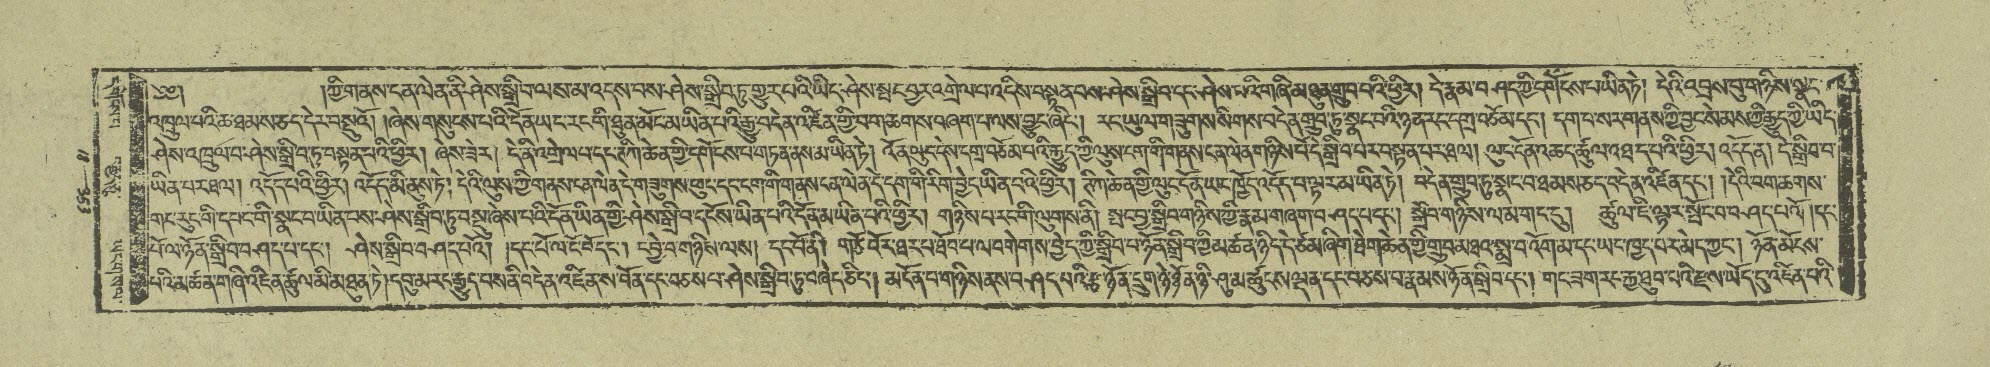༄༅། །ཀྱི་གནས་ངན་ལེན་ནི་ཤེས་སྒྲིབ་ལས་མ་འདས་བས་ཤེས་སྒྲིབ་ཏུ་གྱུར་པའི་ཡིད་ཤེས་སྤང་བྱར་འགྲེལ་བ་འདིས་བསྟན་པས་ཤེས་སྒྲིབ་དང་ཤེས་པའི་གཞི་མཐུན་གྲུབ་པའི་ཕྱིར། དེ་རྣམ་བཤད་ཀྱི་དགོངས་པ་ཡིན་ཏེ། དེའི་འབྲས་བུ་གཉིས་སྣང་
འཁྲུལ་བའི་ཆ་ཐམས་ཅད་དེར་བསྡུའོ། །ཞེས་གསུངས་པའི་དོན་ཡང་རང་གི་ཐུན་མོང་མ་ཡིན་པའི་རྒྱུ་བདེན་འཛིན་གྱི་བག་ཆགས་བཞག་པ་ལས་བྱུང་ཞིང་། རང་ཡུལ་གཟུགས་སེམས་བདེན་གྲུབ་ཏུ་སྣང་བའི་ཉན་རང་དགྲ་བཅོམ་དང་། དག་པ་སར་གནས་ཀྱི་བྱང་སེམས་ཀྱི་རྒྱུད་ཀྱི་ཡིད་
ཤེས་འཁྲུལ་པ་ཤེས་སྒྲིབ་ཏུ་བསྟན་པའི་ཕྱིར། ཞེས་ཟེར། དེ་ནི་འགྲེལ་བ་དང་ཊིཀ་ཆེན་གྱི་དགོངས་པ་གཏན་ནས་མ་ཡིན་ཏེ། འོ་ན་ལུང་དེས་དགྲ་བཅོམ་པའི་རྒྱུད་ཀྱི་ལུས་ངག་གི་གནས་ངན་ལེན་གཉིས་པོ་དེ་སྒྲིབ་པར་བསྟན་པར་ཐལ། ལུང་དོན་འཆད་ཚུལ་འཐད་པའི་ཕྱིར། འདོད་ན། དེ་སྒྲིབ་པ་
ཡིན་པར་ཐལ། འདོད་པའི་ཕྱིར། འདོད་མི་ནུས་ཏེ། དེའི་ལུས་ཀྱི་གནས་ངན་ལེན་དེ་གཟུགས་ཕུང་དང་ངག་གི་གནས་ངན་ལེན་དེ་དག་གི་རིག་བྱེད་ཡིན་པའི་ཕྱིར། ཊིཀ་ཆེན་གྱི་ལུང་དོན་ཡང་ཁྱོད་འདོད་པ་ལྟར་མ་ཡིན་ཏེ། བདེན་གྲུབ་ཏུ་སྣང་བ་ཐམས་ཅད་བདེན་འཛིན་དང་། །དེའི་བག་ཆགས་
གང་རུང་གི་དབང་གི་སྣང་བ་ཡིན་པས་ཤེས་སྒྲིབ་ཏུ་བསྡུ་ཞེས་པའི་དོན་ཡིན་གྱི་ཤེས་སྒྲིབ་དངོས་ཡིན་པའི་དོན་མ་ཡིན་པའི་ཕྱིར། གཉིས་པ་རང་གི་ལུགས་ནི། སྤང་བྱ་སྒྲིབ་གཉིས་ཀྱི་རྣམ་གཞག་བཤད་པ་དང་། སྒྲིབ་གཉིས་ལམ་གང་དུ། ཚུལ་ཇི་ལྟར་སྤོང་བ་བཤད་པའོ། །དང་
པོ་ལ་ཉོན་སྒྲིབ་བཤད་པ་དང་། ཤེས་སྒྲིབ་བཤད་པའོ། །དང་པོ་ལ་ངོ་བོ་དང་། དབྱེ་བ་གཉིས་ལས། དང་པོ་ནི། གཙོ་བོར་ཐར་པ་ཐོབ་པ་ལ་བགེགས་བྱེད་ཀྱི་སྒྲིབ་པ་ཉོན་སྒྲིབ་ཀྱི་མཚན་ཉིད་དེ་ཙམ་ཞིག་ཐེག་ཆེན་གྱི་གྲུབ་མཐའ་སྨྲ་བ་འོག་མ་དང་ཡང་ཁྱད་པར་མེད་ཀྱང་། ཉོན་མོངས་
པའི་མཚན་གཞི་འཛིན་ཚུལ་མི་མཐུན་ཏེ། དབུ་མ་རང་རྒྱུད་པས་ནི་བདེན་འཛིན་ས་བོན་དང་བཅས་པ་ཤེས་སྒྲིབ་ཏུ་བཞེད་ཅིང་། མངོན་པ་གཉིས་ནས་བཤད་པའི་རྩ་ཉོན་དྲུག་ཉེ་ཉོན་ཉི་ཤུ་མཚུངས་ལྡན་དང་བཅས་པ་རྣམས་ཉོན་སྒྲིབ་དང་། གང་ཟག་རང་རྐྱ་ཐུབ་པའི་རྫས་ཡོད་དུ་འཛིན་པའི་